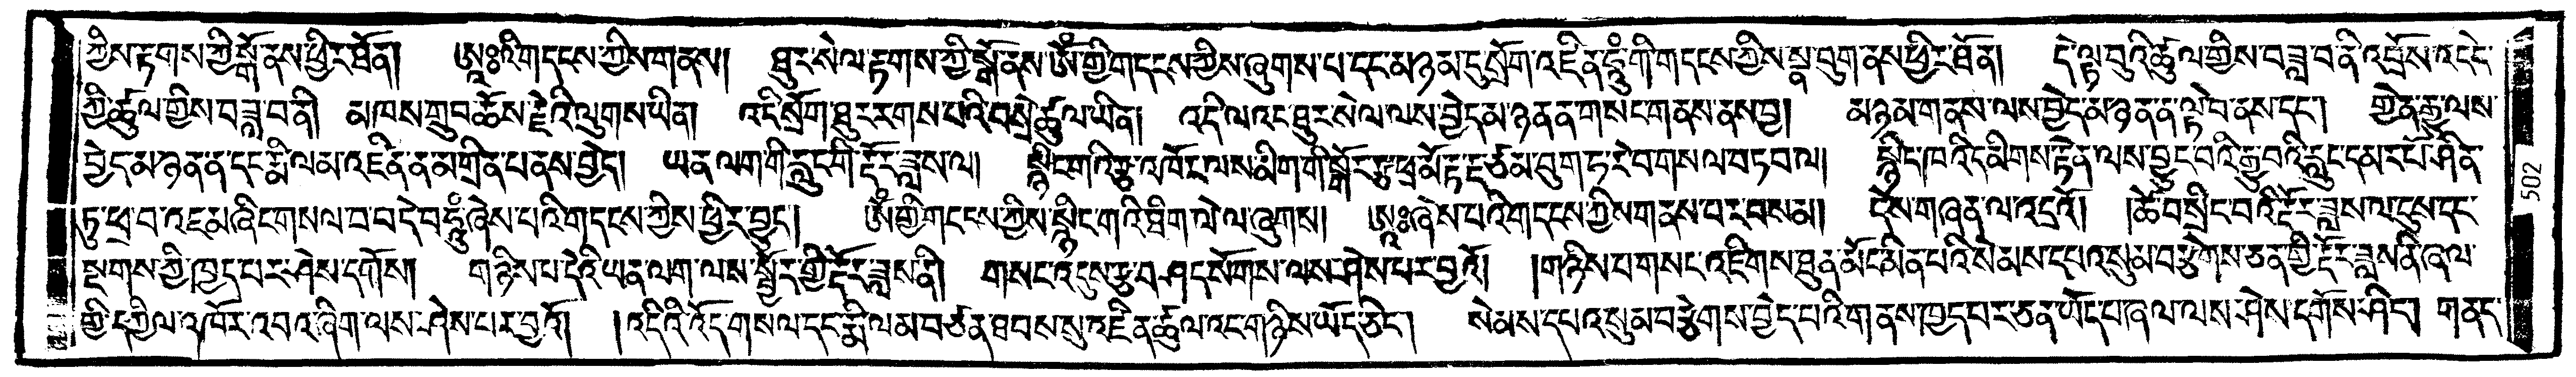ཀྱིས་རྟགས་ཀྱི་སྒོ་ནས་ཕྱིར་ཐོན། ཨཱཿའི་གདངས་ཀྱིས་གནས། ཐུར་སེལ་རྟགས་ཀྱི་སྒོ་ནས་ཨོཾ་གྱི་གདངས་ཀྱིས་ཞུགས་པ་དང་མཉམ་དུ་སྲོག་འཛིན་ཧཱུཾ་གྱི་གདངས་ཀྱིས་སྣ་བུག་ནས་ཕྱིར་ཐོན། དེ་ལྟ་བུའི་ཚུལ་གྱིས་བཟླ་བ་ནི་འབྲོས་འདེད་
ཀྱི་ཚུལ་གྱིས་བཟླ་བ་ནི། མཁས་གྲུབ་ཆོས་རྗེའི་ལུགས་ཡིན། འདི་སྲོག་ཐུར་རགས་པའི་བསྲེ་ཚུལ་ཡིན། འདི་ལའང་ཐུར་སེལ་ལས་བྱེད་མ་ཉན་ན་གསང་གནས་ནས་བྱ། མཉམ་གནས་ལས་བྱེད་མ་ཉན་ན་ལྟེ་བ་ནས་དང་། གྱེན་རྒྱ་ལས་
བྱེད་མ་ཉན་ན་དང་རྨི་ལམ་འཛིན་ན་མགྲིན་པ་ནས་བྱེད། ཡན་ལག་གི་རླུང་གི་རྡོར་ཟླས་ལ། སྙིང་གའི་རྩ་འཁོར་ལས་མིག་གི་སྒོར་རྩ་ཕྲ་མོ་རྟ་རྡ་ཙམ་བུག་ཏ་རེ་བ་གསལ་བཏབ་ལ། སྙིང་ཁའི་དམིགས་རྟེན་ལས་བྱུང་བའི་རྒྱུ་བའི་རླུང་དམར་པོ་ཤིན་
ཏུ་ཕྲ་བ་འཇམ་ཞིང་གསལ་བ་བདེ་བ་ཧཱུཾ་ཞེས་པའི་གདངས་ཀྱིས་ཕྱིར་བྱུང་། ཨོཾ་གྱི་གདངས་ཀྱིས་སྙིང་གའི་ཐིག་ལེ་ལ་ཞུགས། ཨཱཿཞེས་པའི་གདངས་ཀྱིས་གནས་པར་བསམ། དེས་གཞན་ལ་འདྲའོ། །ཚེ་བསྲིང་བའི་རྡོར་ཟླས་ལ་དུས་དང་
སྔགས་ཀྱི་ཁྱད་པར་ཤེས་དགོས། གཉིས་པ་དེའི་ཡན་ལག་ལས་སྦྱོར་གྱི་རྡོར་ཟླས་ནི། གསང་འདུས་རྩ་བཤད་སོགས་ལས་ཤེས་པར་བྱའོ། །གཉིས་པ་གསང་འཇིགས་ཐུན་མོང་མིན་པའི་སེམས་དཔའ་སུམ་བརྩེགས་ཅན་གྱི་རྡོར་ཟླས་ནི་ཞལ་
གྱི་དཀྱིལ་འཁོར་འབའ་ཞིག་ལས་ཤེས་པར་བྱའོ། །འདིའི་འོད་གསལ་དང་རྨི་ལམ་བཙན་ཐབས་སུ་འཛིན་ཚུལ་འང་གཉིས་ཡོད་ཅིང་། སེམས་དཔའ་སུམ་བརྩེགས་བྱེད་པའི་གནས་ཁྱད་པར་ཅན་ཡོད་པ་ཞལ་ལས་ཤེས་དགོས་ཤིང་། གནད་